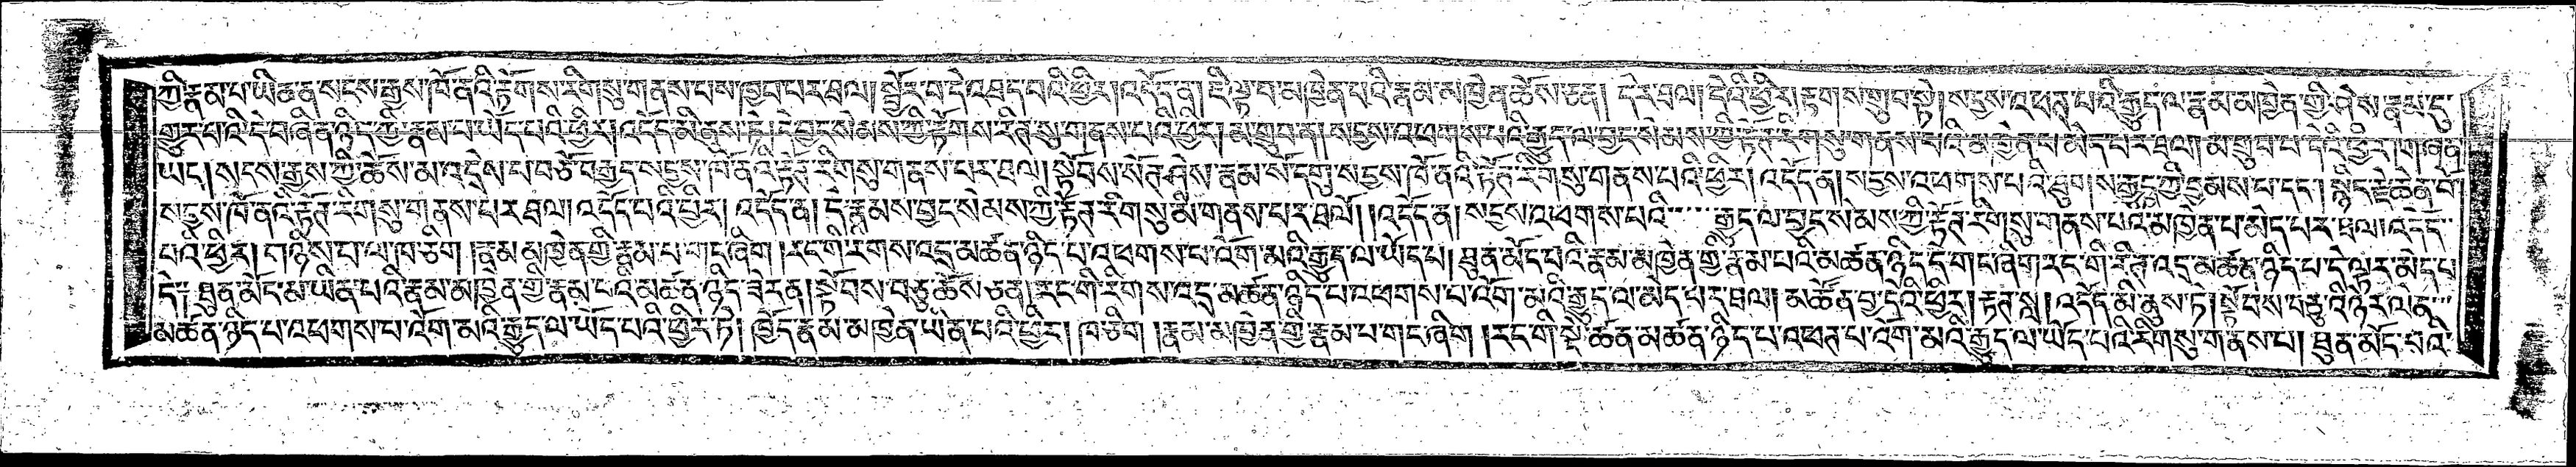ཀྱི་རྣམ་པ་ཡིན་ན་སངས་རྒྱས་ཁོ་ནའི་རྟོགས་རིགས་སུ་གནས་པས་ཁྱབ་པར་ཐལ། སྦྱོར་བ་དེ་འཐད་པའི་ཕྱིར། འདོད་ན། ཇི་ལྟ་བ་མཁྱེན་པའི་རྣམ་མཁྱེན་ཆོས་ཅན། དེར་ཐལ། དེའི་ཕྱིར། རྟགས་གྲུབ་སྟེ། སངས་རྒྱས་འཕགས་པའི་རྒྱུད་ལ་རྣམ་མཁྱེན་གྱི་ཤེས་རྣམ་དུ་
གྱུར་པའི་དེ་བཞིན་ཉིད་ཀྱི་རྣམ་པ་ཡོད་པའི་ཕྱིར། འདོད་མི་ནུས་ཏེ། དེ་བྱང་སེམས་ཀྱི་རྟོགས་རིགས་སུ་གནས་པའི་ཕྱིར། མ་གྲུབ་ན། སངས་རྒྱས་འཕགས་པའི་རྒྱུད་ལ་བྱང་སེམས་ཀྱི་རྟོགས་རིགས་སུ་གནས་པའི་མཁྱེན་པ་མེད་པར་ཐལ། མ་གྲུབ་པ་དེའི་ཕྱིར། གཞན་
ཡང་། སངས་རྒྱས་ཀྱི་ཆོས་མ་འདྲེས་པ་བཅོ་བརྒྱད་སངས་ཁོ་ནའི་རྟོགས་རིགས་སུ་གནས་པར་ཐལ། སྟོབས་སོགས་ཤེས་རྣམ་སོ་དགུ་སངས་ཁོ་ནའི་རྟོགས་རིགས་སུ་གནས་པའི་ཕྱིར། འདོད་ན། སངས་འཕགས་པའི་ཐུགས། ས་རྒྱུད་ཀྱི་བྱམས་པ་དང་། སྙིང་རྗེ་ཆེན་པོ་
སངས་རྒྱས་ཁོ་ནའི་རྟོགས་རིགས་སུ་གནས་པར་ཐལ། འདོད་པའི་ཕྱིར། འདོད་ན། དེ་རྣམས་བྱང་སེམས་ཀྱི་རྟོགས་རིགས་སུ་མི་གནས་པར་ཐལ་ལོ། །འདོད་ན། སངས་རྒྱས་འཕགས་པའི་རྒྱུད་ལ་བྱང་སེམས་ཀྱི་རྟོགས་རིགས་སུ་གནས་པའི་མཁྱེན་པ་མེད་པར་ཐལ། འདོད་
པའི་ཕྱིར། གཉིས་པ་ལ་ཁ་ཅིག །རྣམ་མཁྱེན་གྱི་རྣམ་པ་གང་ཞིག །རང་གི་རིགས་འདྲ་མཚན་ཉིད་པ་འཕགས་པ་འོག་མའི་རྒྱུད་ལ་ཡོད་པ། ཐུན་མོང་བའི་རྣམ་མཁྱེན་གྱི་རྣམ་པའི་མཚན་ཉིད་དེ་གང་ཞིག་རང་གི་རིགས་འདྲ་མཚན་ཉིད་པ་དེ་ལྟར་མེད་པ་
དེ༑ ཐུན་མོང་མ་ཡིན་པའི་རྣམ་མཁྱེན་གྱི་རྣམ་པའི་མཚན་ཉིད་ཟེར་ན། སྟོབས་བཅུ་ཆོས་ཅན། རང་གི་རིགས་འདྲ་མཚན་ཉིད་པ་འཕགས་པ་འོག་མའི་རྒྱུད་ལ་མེད་པར་ཐལ། མཚོན་བྱ་དེའི་ཕྱིར། རྟགས་སླ། འདོད་མི་ནུས་ཏེ། སྟོབས་བཅུའི་ཉེར་ལེན་
མཚན་ཉིད་པ་འཕགས་པ་འོག་མའི་རྒྱུད་ལ་ཡོད་པའི་ཕྱིར་ཏེ། ཁྱོད་རྣམ་མཁྱེན་ཡིན་པའི་ཕྱིར། ཁ་ཅིག །རྣམ་མཁྱེན་གྱི་རྣམ་པ་གང་ཞིག །རང་གི་སྡེ་ཚན་མཚན་ཉིད་པ་འཕགས་པ་འོག་མའི་རྒྱུད་ལ་ཡོད་པའི་རིགས་སུ་གནས་པ། ཐུན་མོང་བའི་